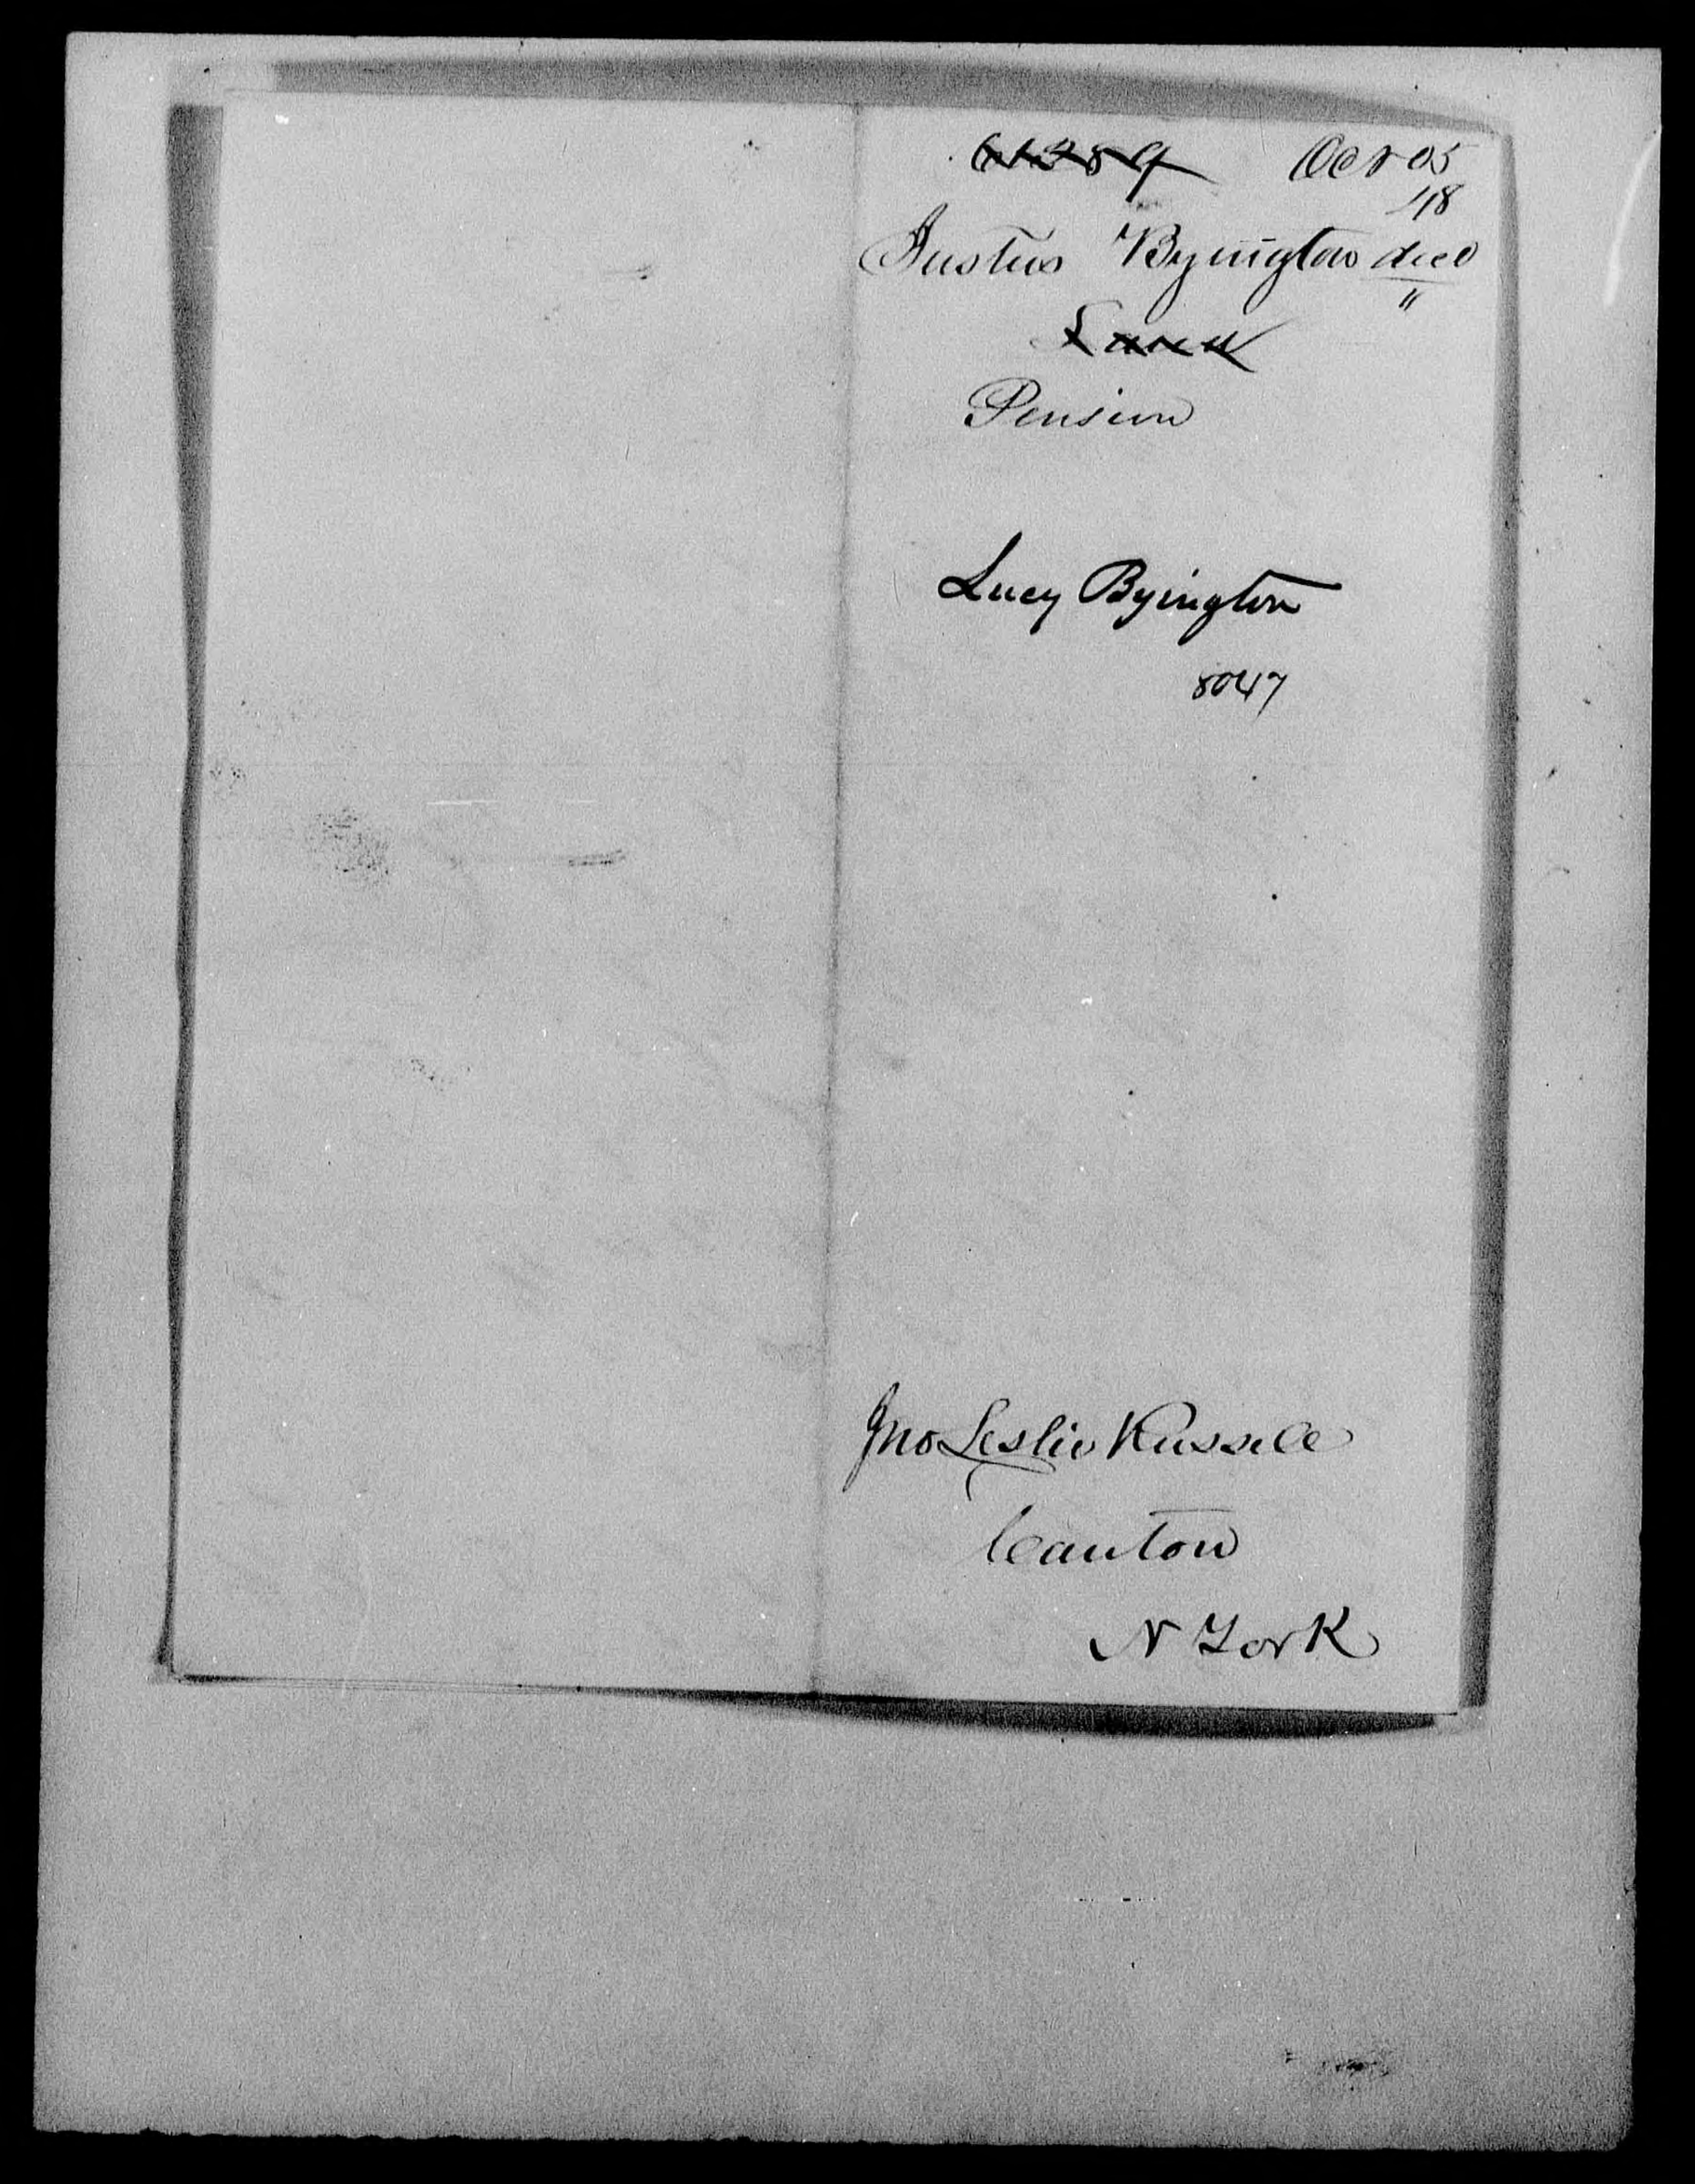Oct 05 48
Justus Byington decd

Pension

Lucy Byington
8047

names: Justus Byington, Lucy Byington, Jno Leslie Russell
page: 52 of 79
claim: widow's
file: W. 23754, Justus Byington, Conn.